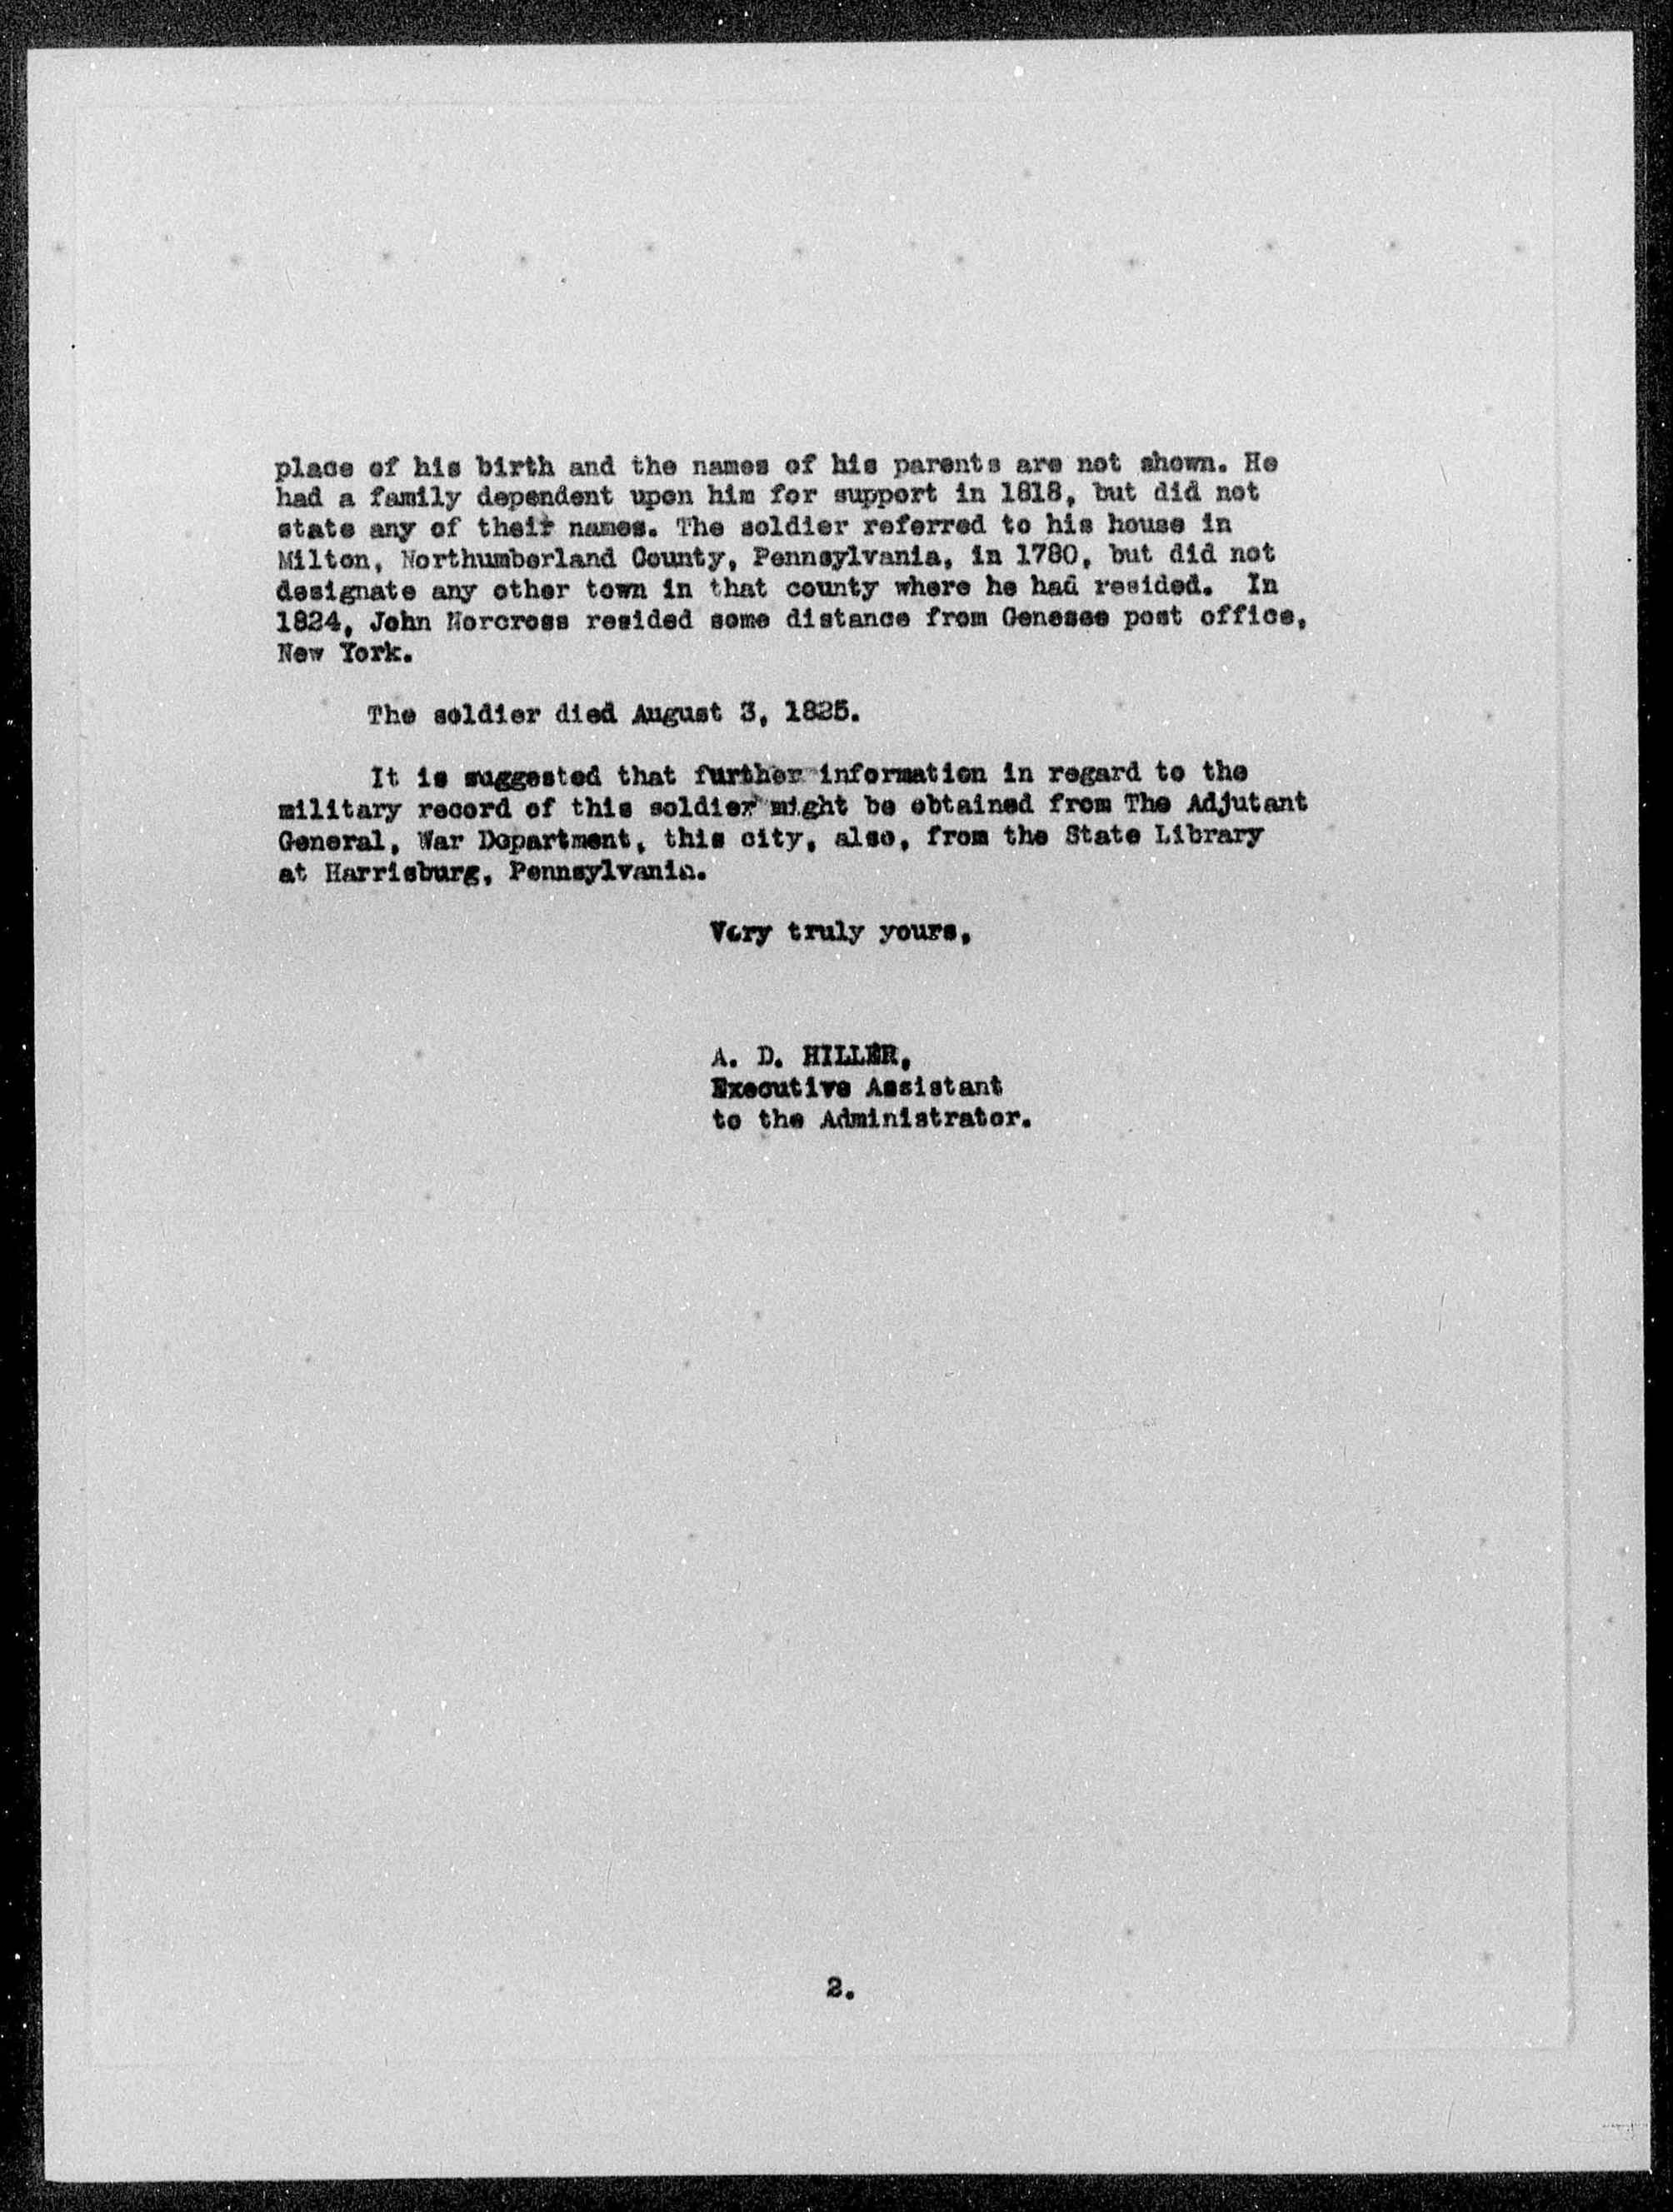place of birth and the names of his parents are not shown.  He had a family dependent upon him for support in 1818, but did not state any of their names.  The soldier referred to his house in Milton, Northumberland, Pennsylvania, in 1780, but did not designate any other town where he had resided.  In 1824, John Norcross resided some distance from Genesee post office, New York.  
The soldier died August 3, 1825.
It is suggested that further information in regard to the military record of this soldier might be obtained from The adjutant General, War Department, this city, also, from the Library at Harrisburg, Pennsylvania.  
Very truly yours,
A.D. Hiller Executive Assistant to the Administrator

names: John Norcross; A D Hiller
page: 7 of 23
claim: survivor's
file: S. 27257, for John Norcross, Pennsylvania